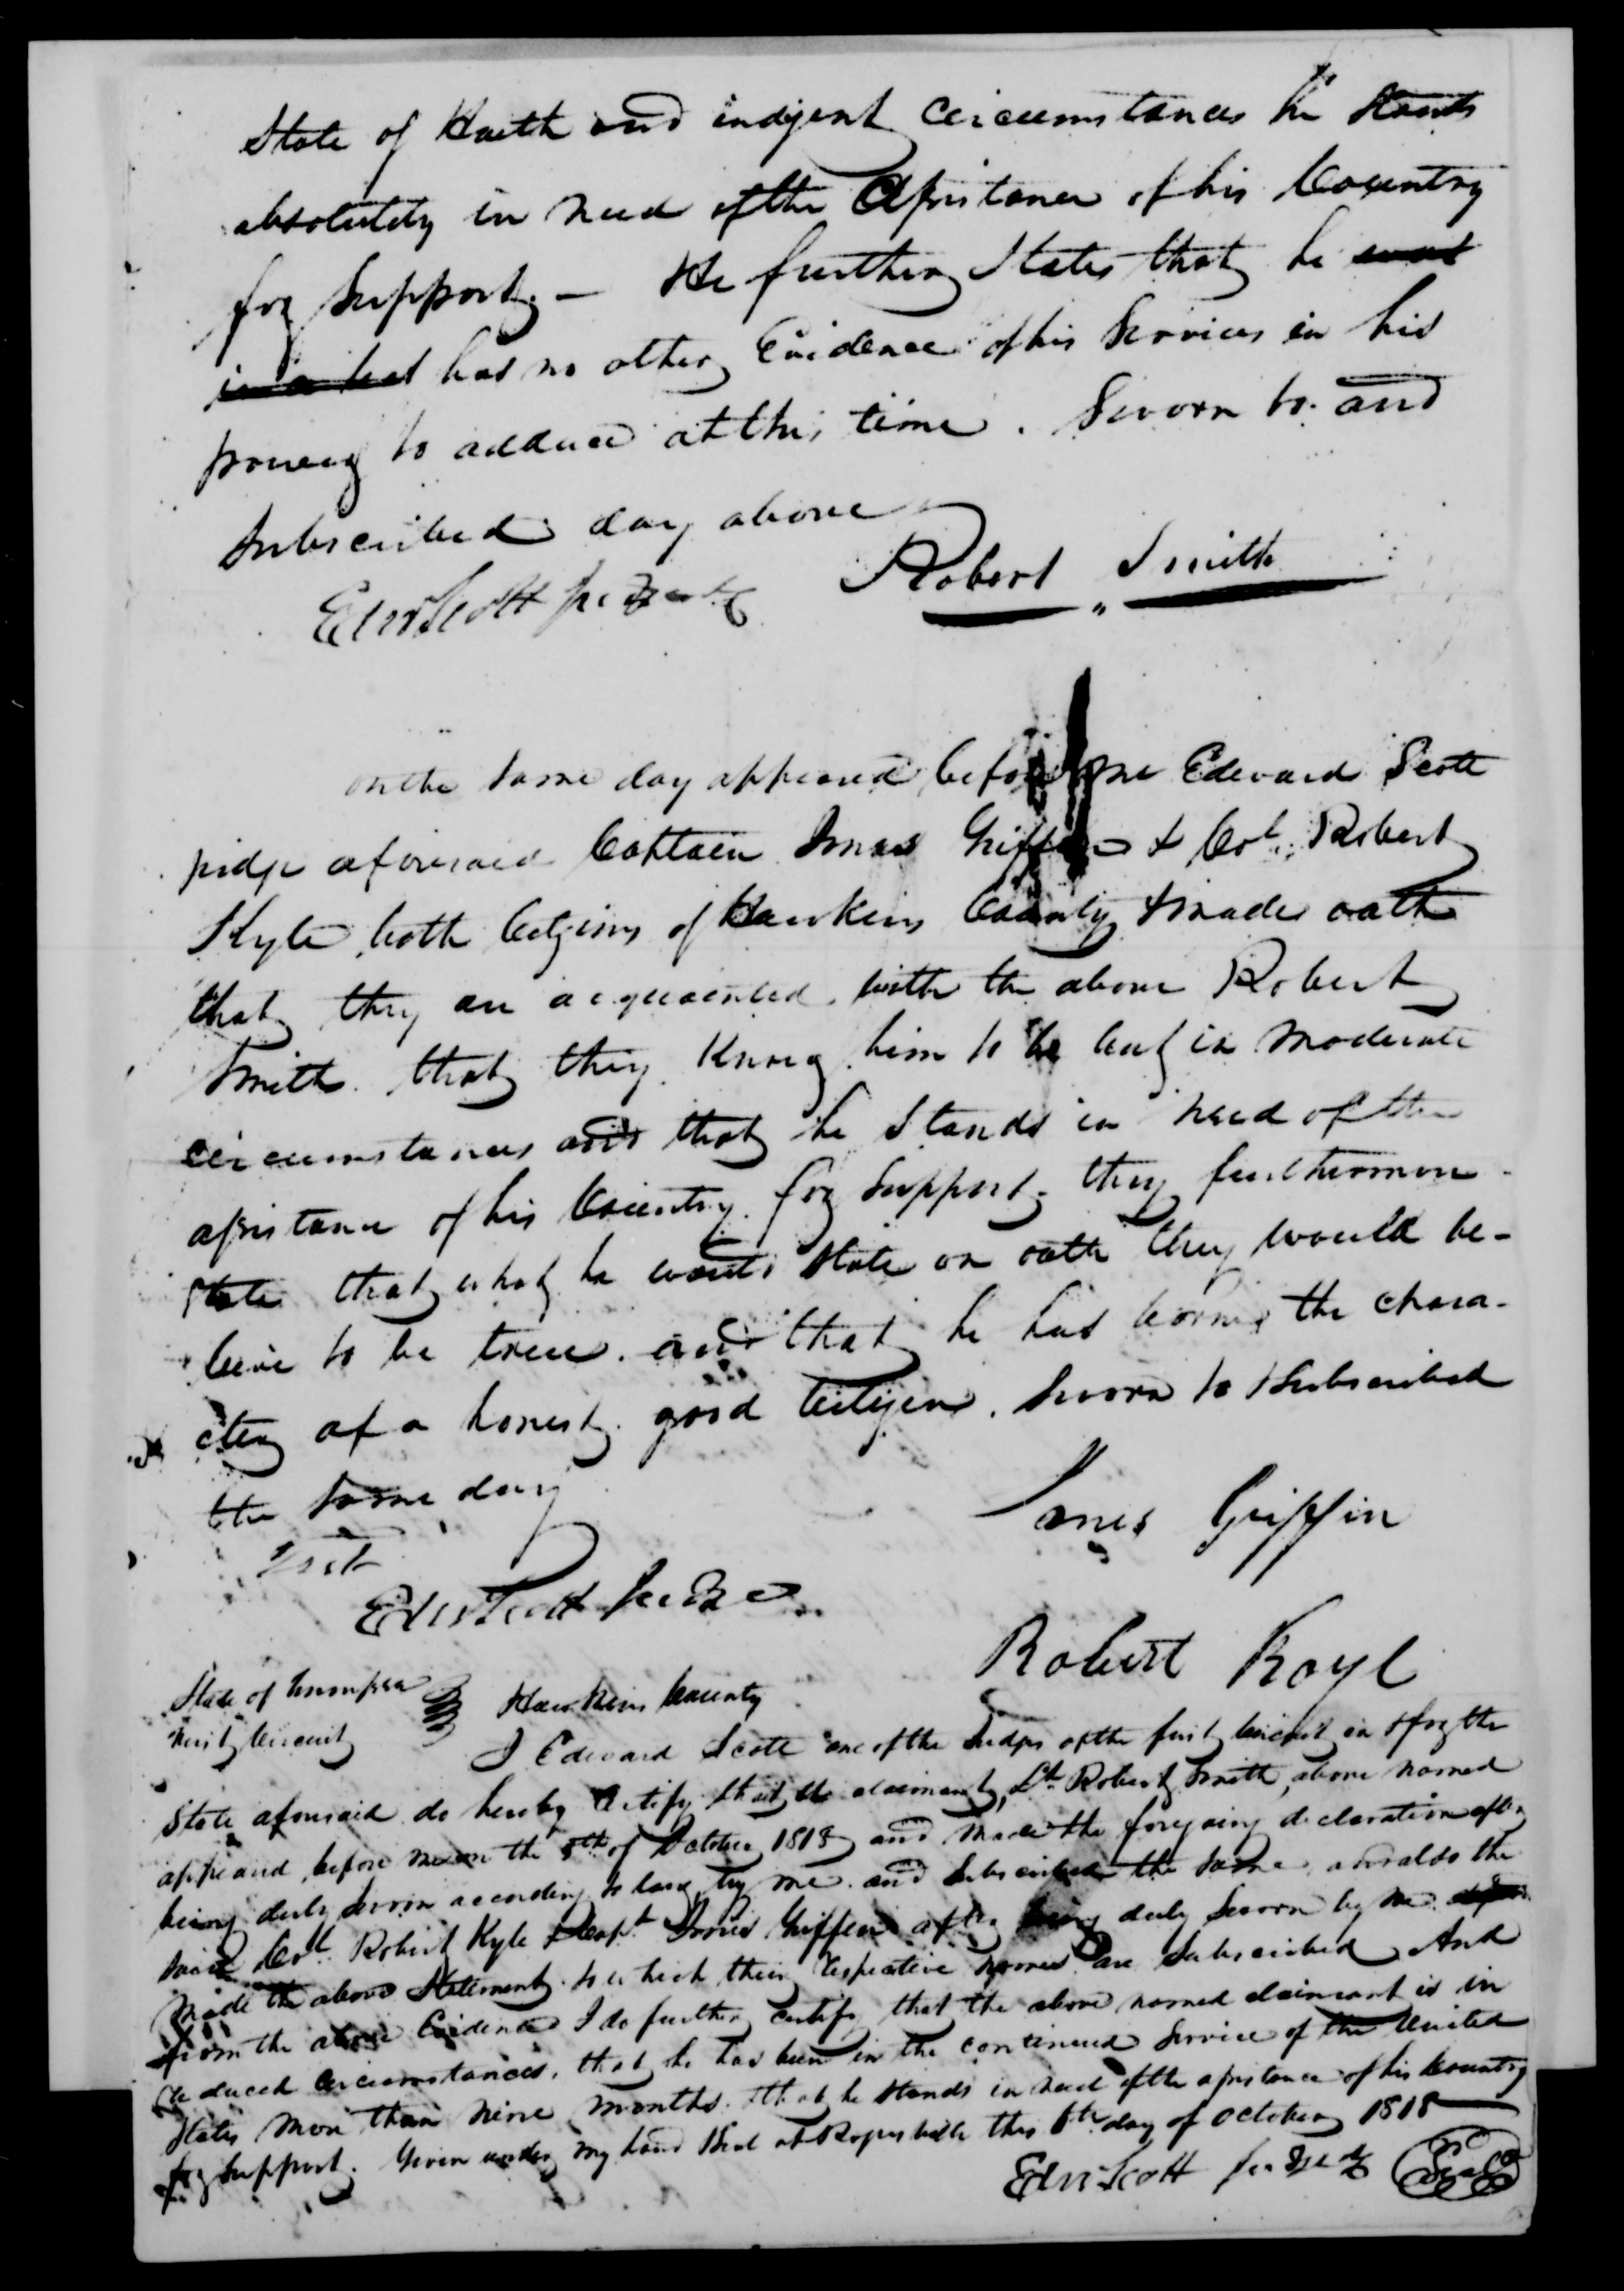State of Health and indigent circumstances he Stands absolutely in need of the Assistance of his Country for Support - He further States that he has no other Evidence of his Services in his power to adduce at this time. Sworn to and Subscribed day above s/ Edw Scott Judge 
Robert Smith

On the Same day appeared before me Edward Scott Judge aforesaid, Captain Jonas Griffin & Col. Robert Kyle, both Citizens of Hawkins County & made oath that they are acquainted with the above Robert Smith. that they knew him to be but in moderate circumstances and that he Stands in need of the assistance of his Country for Support. they furthermore state that what he would State on oath they would believe to be true and that he has having the character of a honest good Citizen. Sworn to + Subscribed the Same day
Jonas Griffin
Robert Royl
Edw Scott Judge

State of Tennessee Hawkins County
First Circuit} I Edward Scott one of the Judges of the first Circuit in & for the State aforesaid, do hereby Certify that the claimant, Lt. Robert Smith, above named, appeared before me on the 6th of October 1818 and made the foregoing declaration after being duly Sworn according to law by me and Subscribed the Same and also the said Col. Robert Kyle, Capt Jonas Griffin after being duly Sworn by me made the above Statement to which their respective names are Subscribed And from the above Evidence I do further certify that the above named claimant is in reduced circumstances, that he has been in the continued Service of the United States more than nine months. that he stands in need of the assistance of his Country for Support. Given under my hand that at Rogersville this 6th day of October 1818
Edw Scott Judge (Seal)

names: Edw Scott; Robert Smith; Edward Scott; Robert Smith; Robert Kyle; Robert Royl; Robert Kyle; Jones Griffin; Edw Scott; Robert Smith; Edw Scott; Edward Scott; Jonas Griffin; Janes Griffin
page: 27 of 79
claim: widow's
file: W. 1504, for Robert Smith, North Carolina